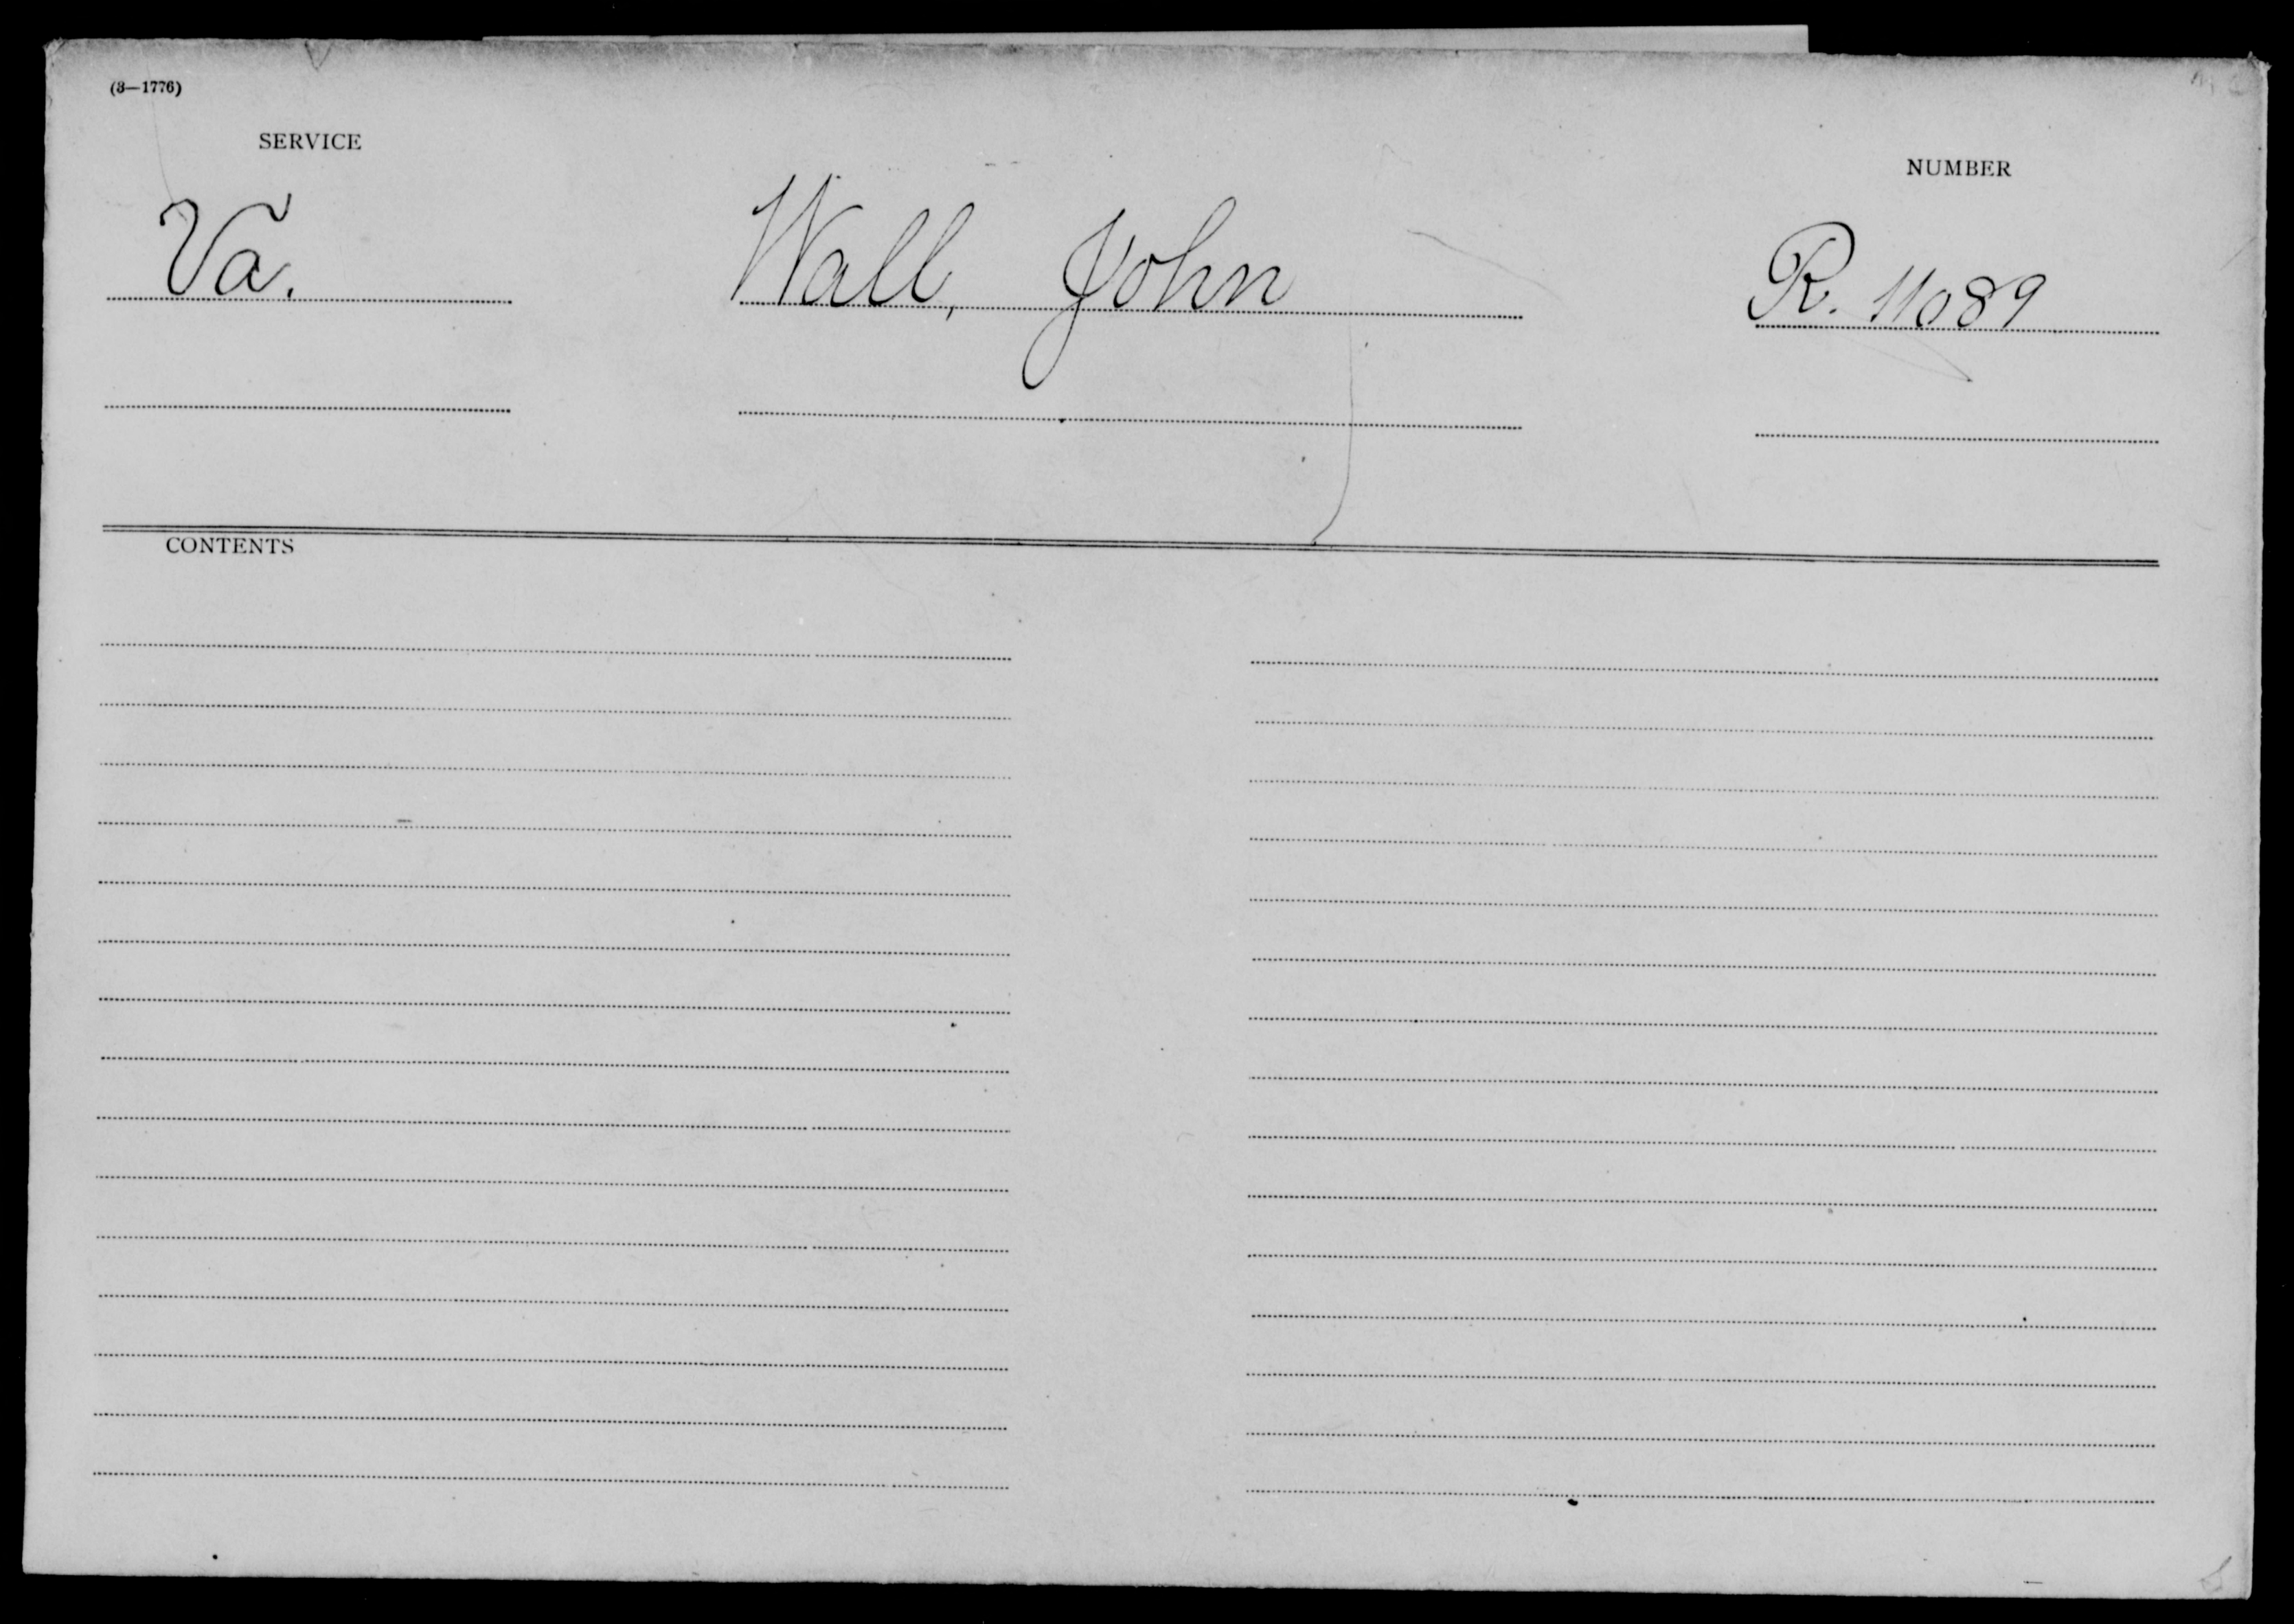(3-1776)
SERVICE  NUMBER
Va. Wall, John R.11089

CONTENTS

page: 1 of 11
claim: rejected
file: R. 11089, John Wall, Va.